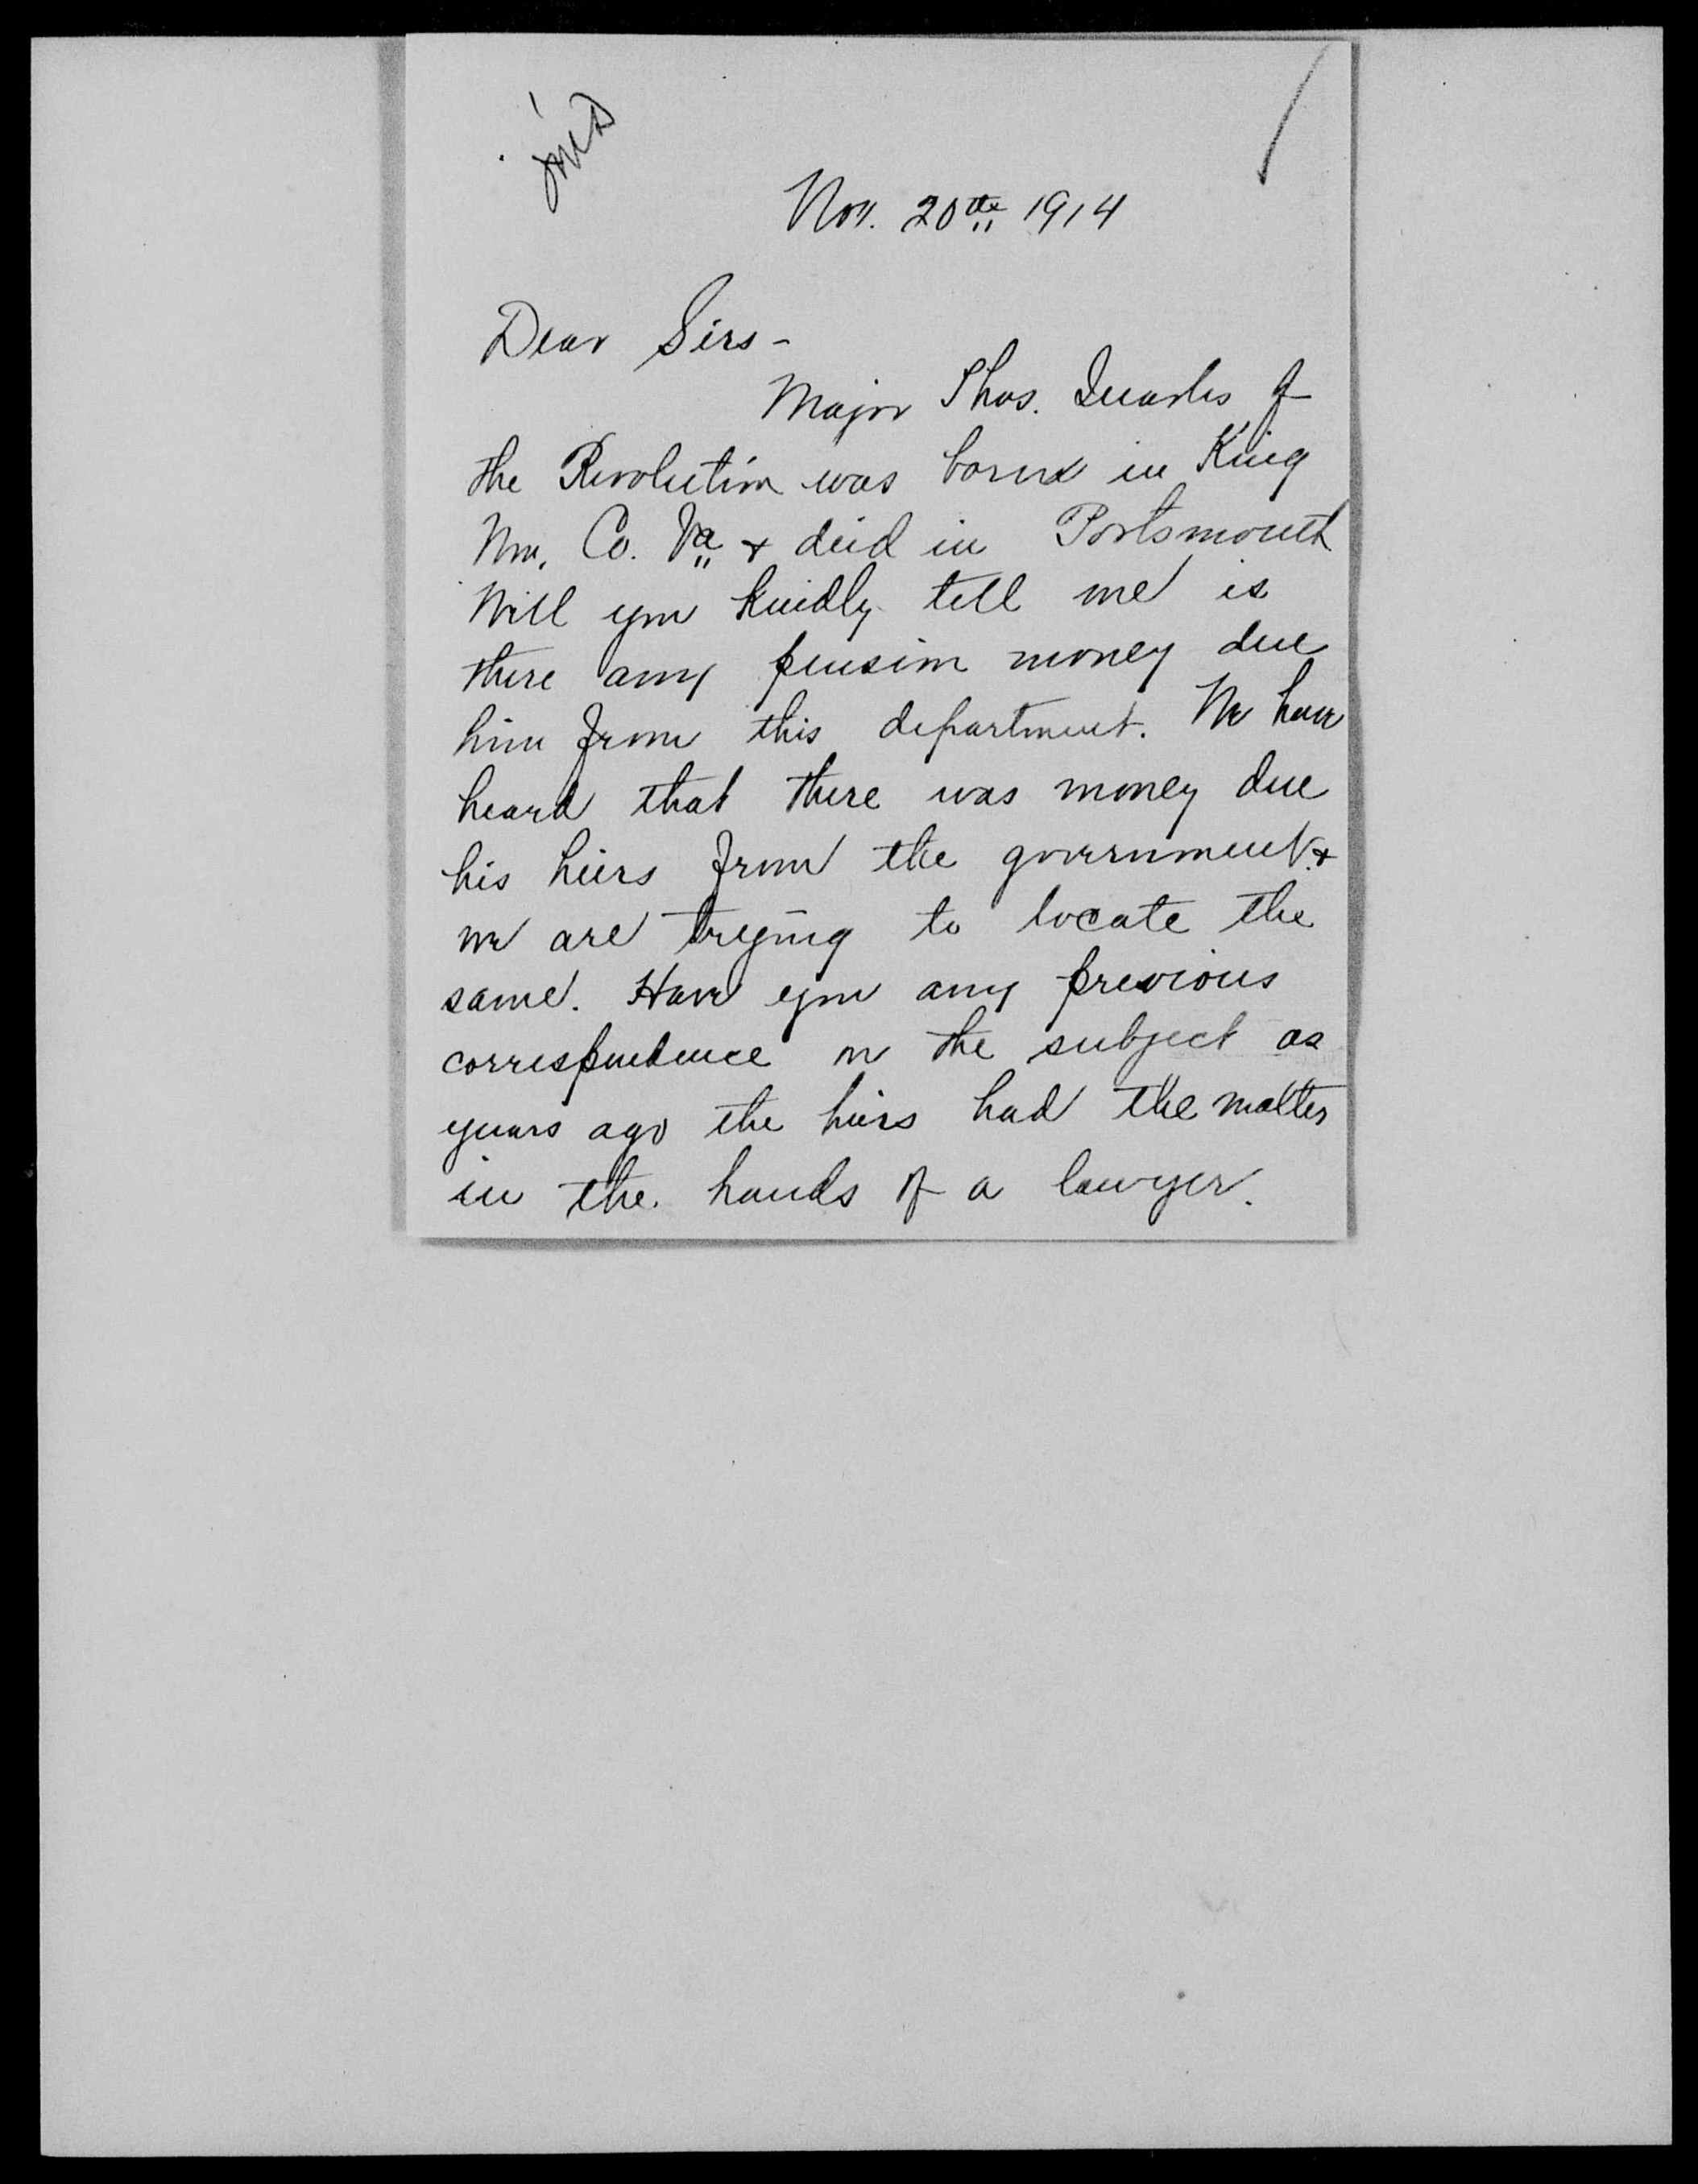Nov. 20th 1914
Dear Sirs-
Major
Thos. Quarles of
the Revolution was
born in King
Wm. Co. Va & died in
Portsmouth
Will you kindly tell me is
there any pension money due
him from this department. We have
heard that there was money due
his heirs from the government &
we are trying to locate the same
. Have you any previous
correspondence on the subject as
years ago the heirs had the matter
in the hands of a lawyer.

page: 20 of 22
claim: rejected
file: R. 17251, for Thomas Quarles, Virginia